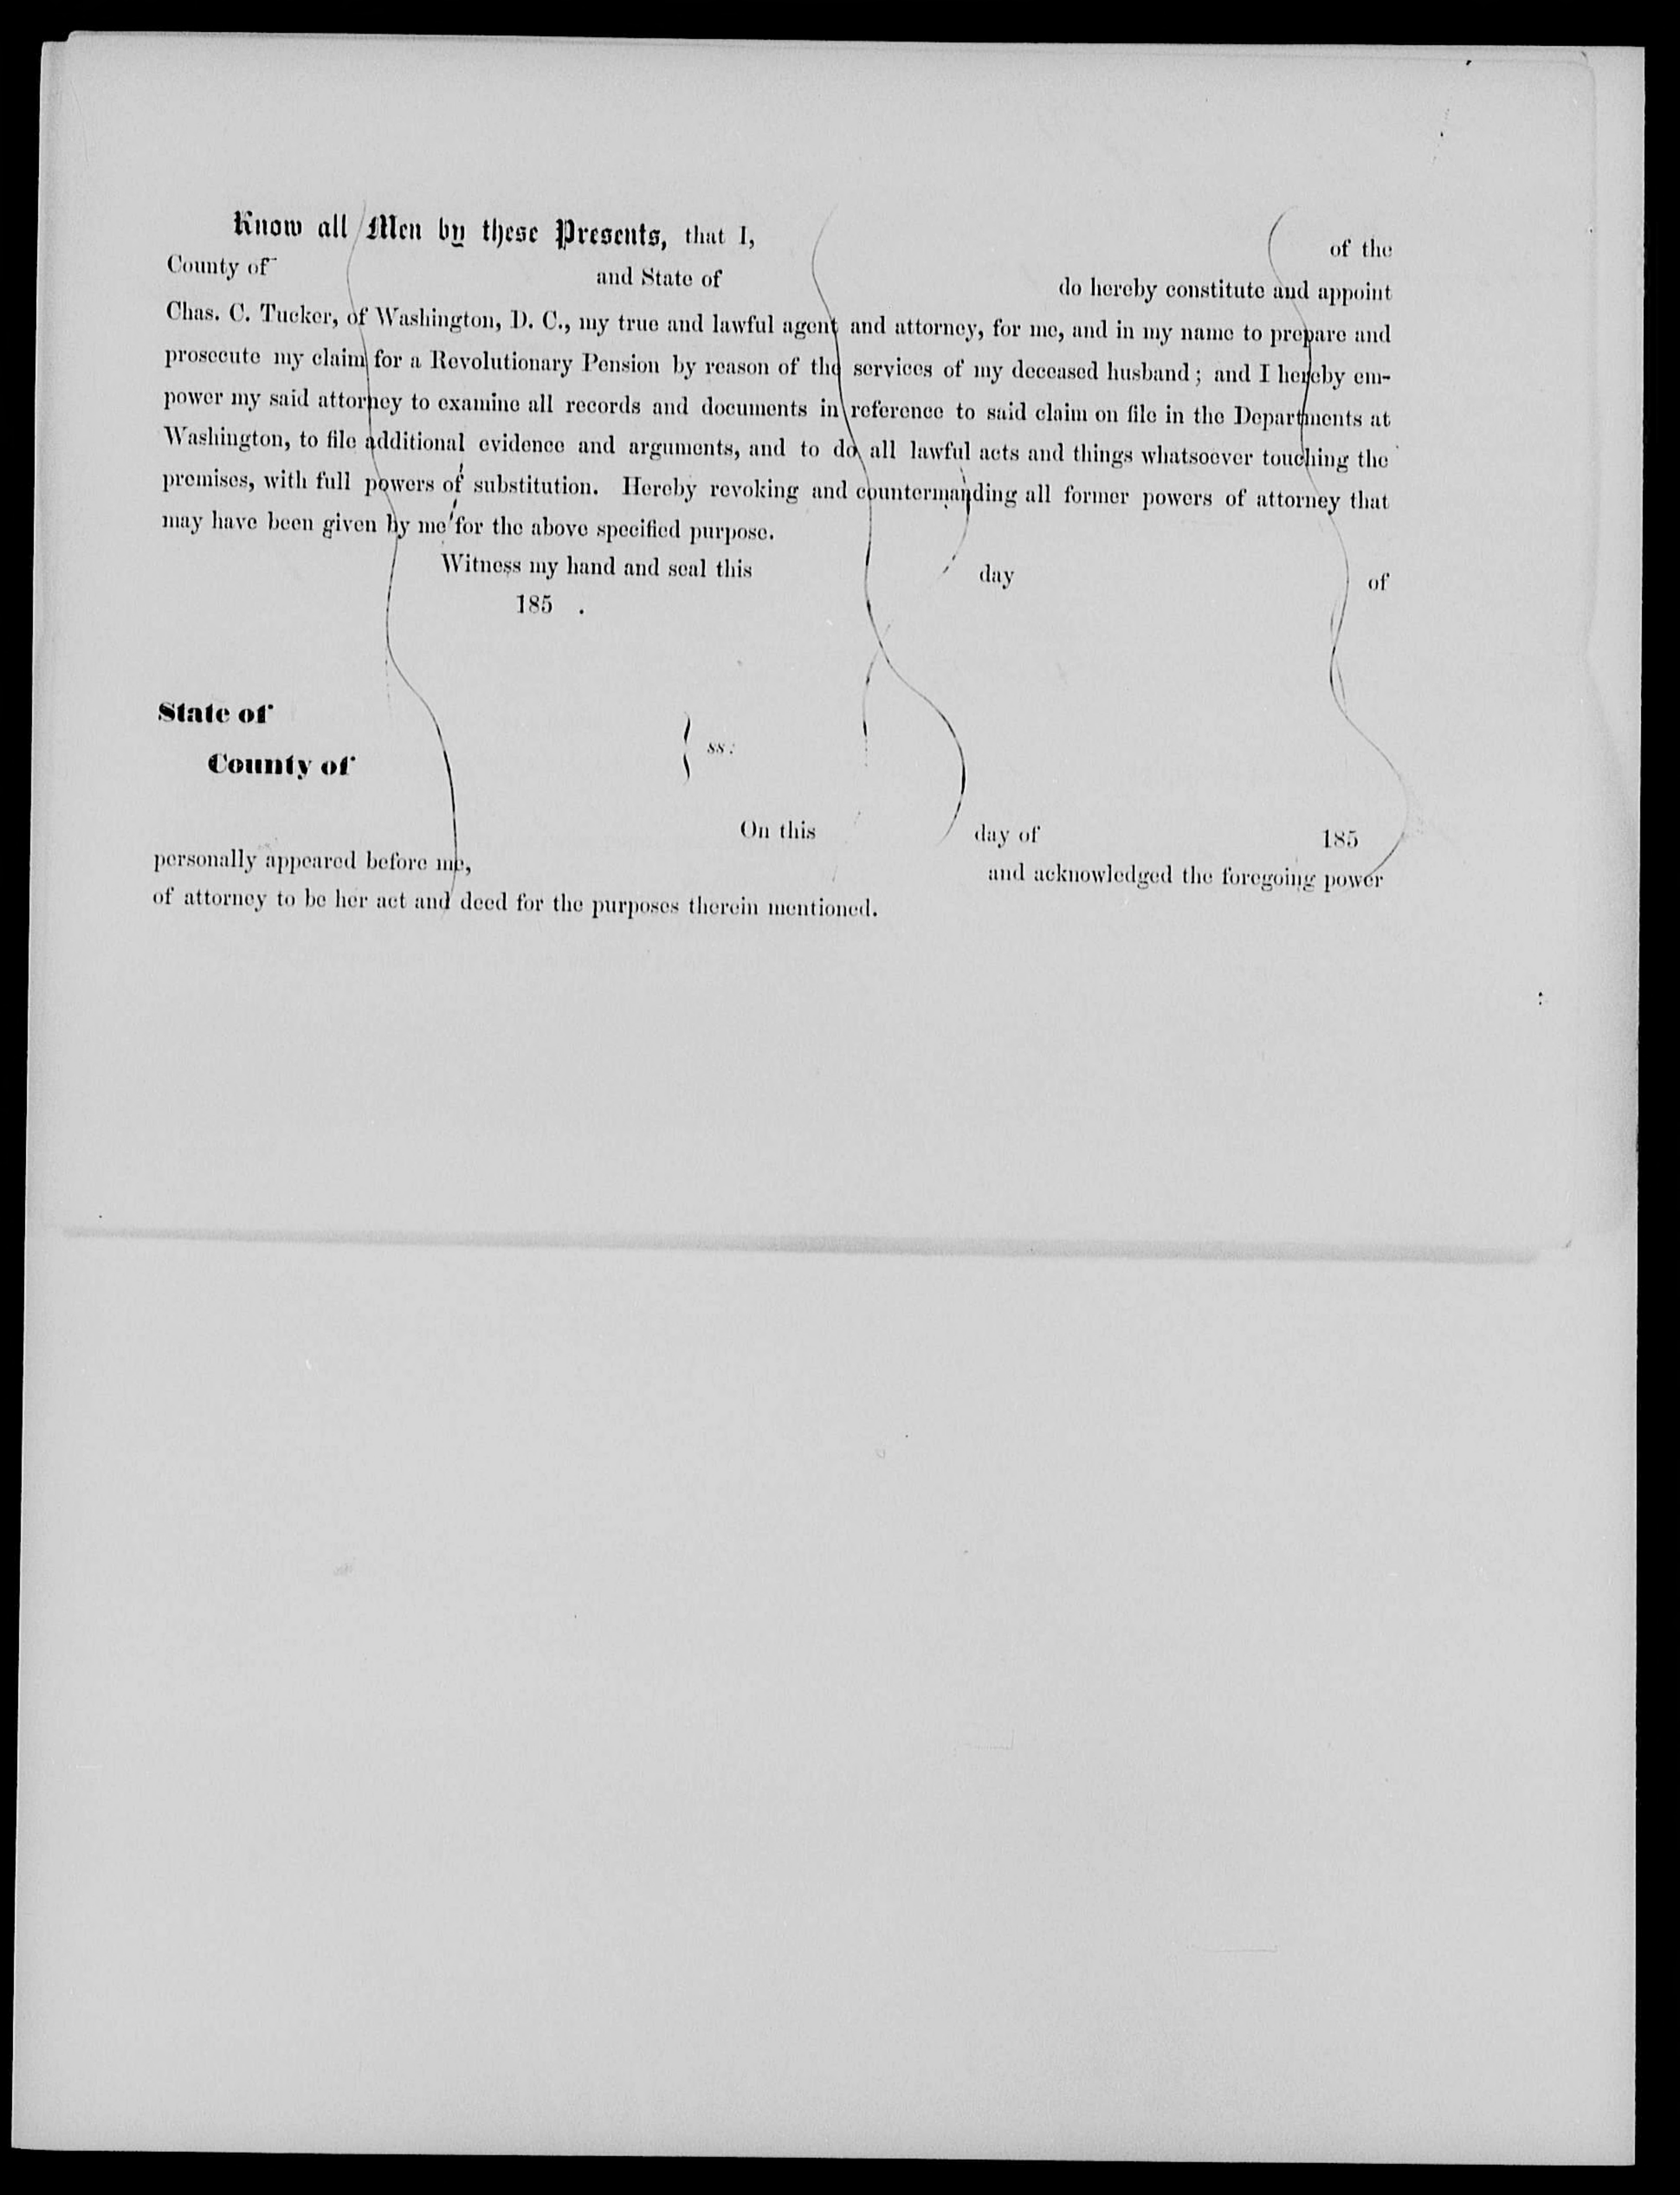[Page is fully struck out, as information to be collected is not required.]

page: 14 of 76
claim: widow's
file: W. 9345, Joseph Bartholomew, Conn.